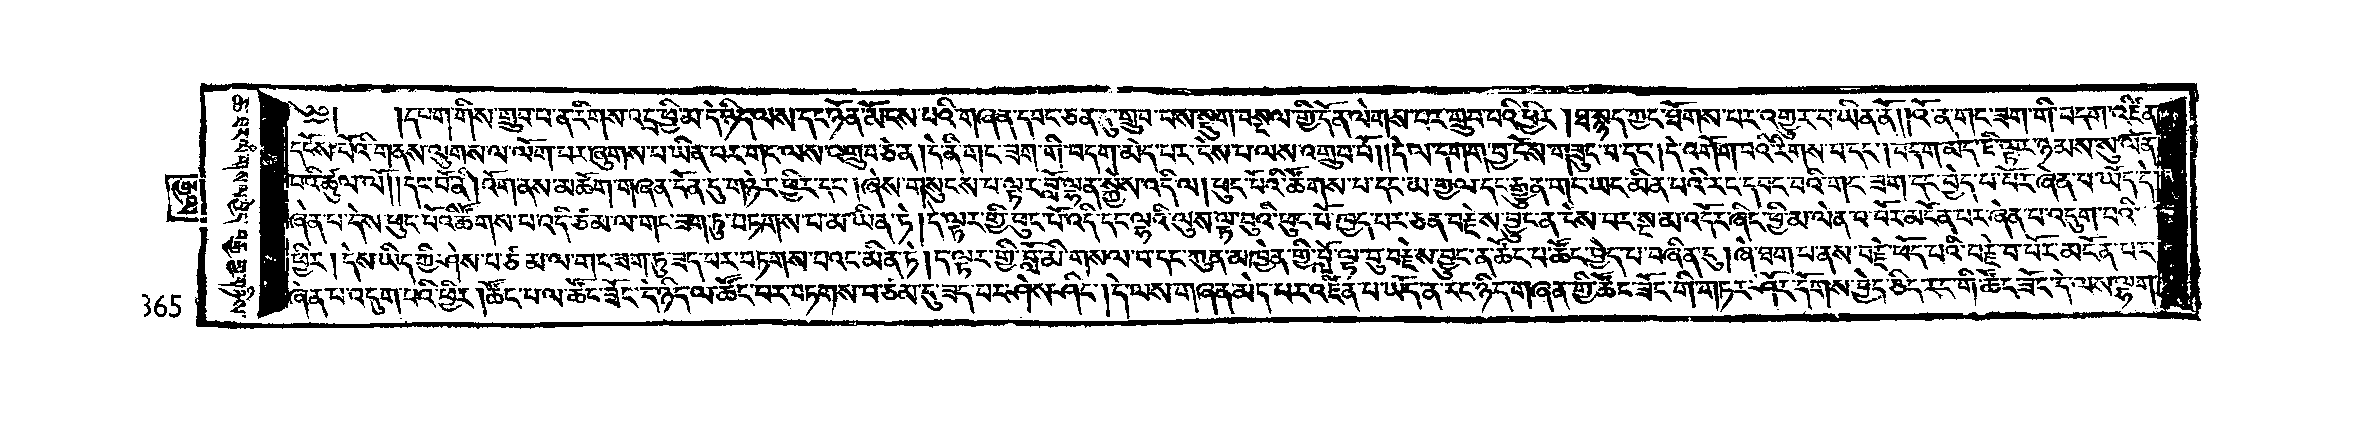༄༅། །དཔག་གིས་གྲུབ་པ་ན་རིགས་འདྲ་ཕྱི་མ་དེ་ཉིད་ལས་དང་ཉོན་མོངས་པའི་གཞན་དབང་ཅན་དུ་གྲུབ་པས་སྡུག་བསྔལ་གྱི་དོན་ལེགས་པར་གྲུབ་པའི་ཕྱིར། ཐ་སྙད་ཀྱང་ཐོགས་པར་འགྱུར་བ་ཡིན་ནོ། །འོ་ན་གང་ཟག་གི་བདག་འཛིན་
དངོས་པོའི་གནས་ལུགས་ལ་ལོག་པར་ཞུགས་པ་ཡིན་པར་གང་ལས་འགྲུབ་ཅེ་ན། དེ་ནི་གང་ཟག་གི་བདག་མེད་པར་ངེས་པ་ལས་འགྲུབ་པོ། །དེ་ལ་དགག་བྱ་ངོས་གཟུང་བ་དང་། དེ་འགོག་པའི་རིགས་པ་དང་། བདག་མེད་ཇི་ལྟར་ཉམས་སུ་ལེན་
པའི་ཚུལ་ལོ། །དང་པོ་ནི། འོག་ནས་མཆོག་གཞན་དོན་དུ་གཉེར་ཕྱིར་དང་། ཞེས་གསུངས་པ་ལྟར་བློ་ལྷན་སྐྱོས་འདི་ལ། ཕུང་པོའི་ཚོགས་པ་དང་ཡ་གྱལ་དང་རྒྱུན་གང་ཡང་མིན་པའི་རང་དབང་བའི་གང་ཟག་དང་བྱེད་པ་པོར་ཞེན་པ་ཡོད་དེ་
ཞེན་པ་དེས་ཕུང་པོའི་ཚོགས་པ་འདི་ཙམ་ལ་གང་ཟག་ཏུ་བཏགས་པ་མ་ཡིན་ཏེ། དེ་ལྟར་གྱི་ཕུང་པོ་འདི་དང་ལྷའི་ལུས་ལྟ་བུའི་ཕུང་པོ་ཁྱད་པར་ཅན་བརྗེས་བྱུང་ན་ངེས་པར་སྔ་མ་འདོར་ཞིང་ཕྱི་མ་ལེན་པ་པོར་མངོན་པར་ཞེན་པ་འདུག་པའི་
ཕྱིར། དེས་ཡིད་ཀྱི་ཤེས་པ་ཙམ་ལ་གང་ཟག་ཏུ་ཟད་པར་བཏགས་པའང་མིན་ཏེ། ད་ལྟར་གྱི་བློ་མི་གསལ་བ་དང་ཀུན་མཁྱེན་གྱི་བློ་ལྟ་བུ་བརྗེས་བྱུང་ན་ཚོང་པ་ཚོང་བྱེད་པ་བཞིན་དུ། ཞེ་ཐག་པ་ནས་བརྗེ་ཕོད་པའི་བརྗེ་བ་པོར་མངོན་པར་
ཞེན་པ་འདུག་པའི་ཕྱིར། ཚོང་པ་ལ་ཚོང་ཟོང་དེ་ཉིད་ལ་ཚོང་བར་བཏགས་པ་ཙམ་དུ་ཟད་པར་ཤེས་ཤིང་། དེ་ལས་གཞན་མེད་པར་འཛིན་པ་ཡོད་ན་རང་ཉིད་གཞན་གྱི་ཚོང་ཟོང་གི་གཏར་ཤོར་དོགས་བྱེད་ཅིང་རང་གི་ཚོད་ཟོང་དེ་ལས་ལྷག་